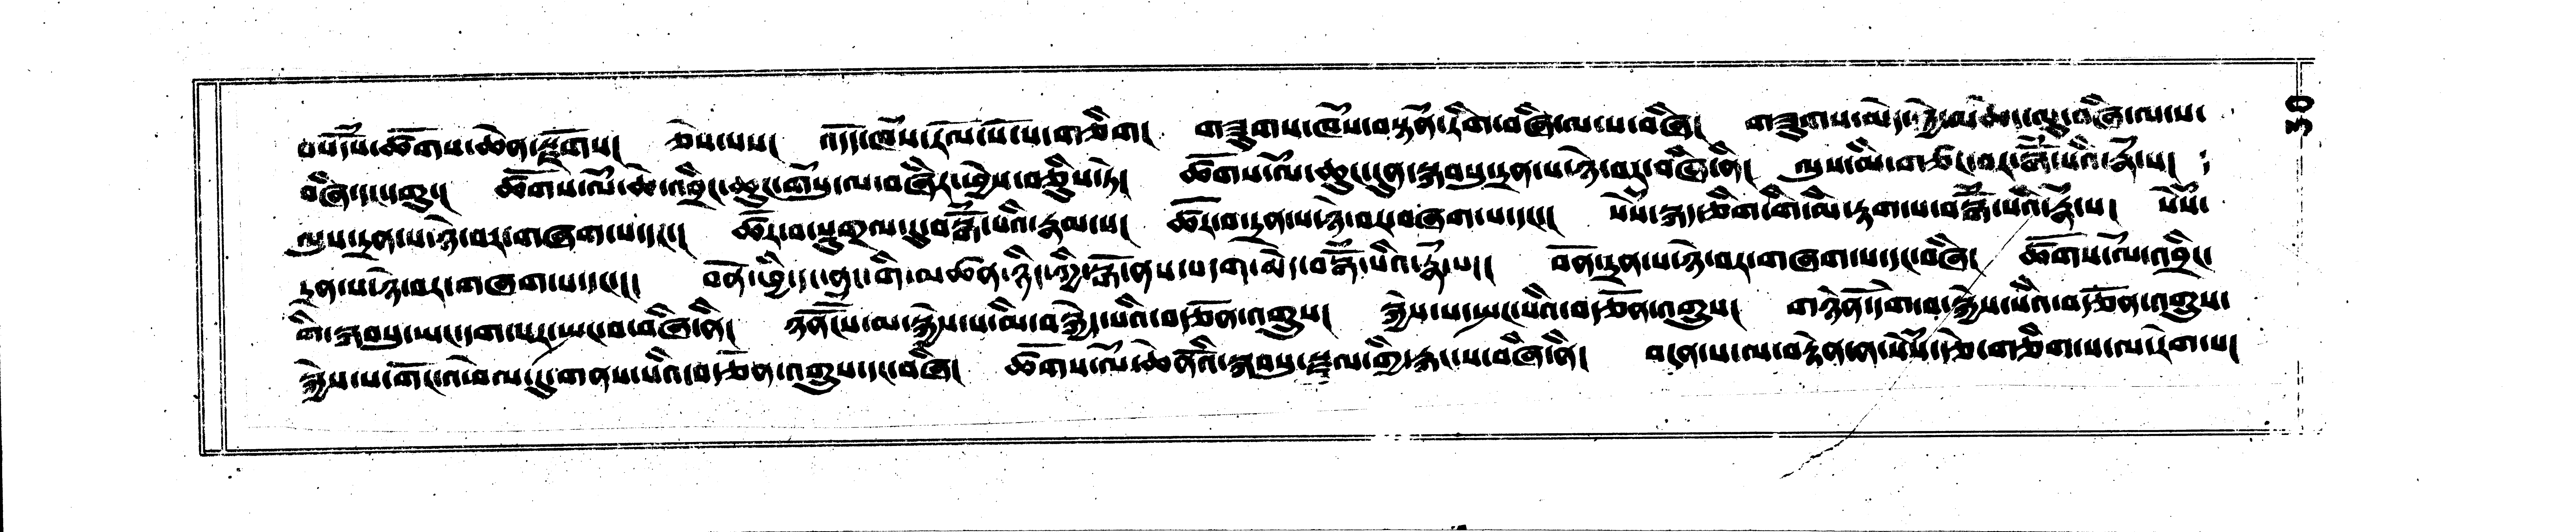བསོད་ནམས་ཚོགས་ཆེན་རྫོགས། །ཅེས་པས། འདོད་ཁམས་རོལ་པོ་ས་གཅིག གཟུགས་ཁམས་བསམ་གཏན་རིགས་བཞི་ས་བཞི། གཟུགས་མེད་སྐྱེ་མཆེད་མུ་བཞི་ལ་ས་
བཞི་དང་དགུ། ཚོགས་ལམ་ཆེ་འབྲིང་ཆུང་གསུམ་ལ་བཞིར་ཕྱེས་བཅུ་གཉིས་ཏེ། ཚོགས་ལམ་ཆུང་ངུན་སྐབས་སུ་དྲན་པ་ཉེ་བར་བཞག་པ་བཞི་ནི། ལུས་མི་གཙང་བར་བསྒོམ་པའི་རྣམ་པ་
ལུས་དྲན་པ་ཉེ་བར་བཞག་པ་དང་། ཚོར་བ་སྡུག་བསྔལ་དུ་བསྒོམ་པའི་རྣམ་པ་ཚོར་བ་དྲན་པ་ཉེ་བར་བཞག་པ་དང་། སེམས་སྐད་ཅིག་གི་མི་རྟག་པ་བསྒོམ་པའི་རྣམ་པ་སེམས་
དྲན་པ་ཉེ་བར་བཞག་པ་དང་། བོན་ཕྱི་དང་ནང་གི་མཚན་ཉིད་ཀྱི་སྒོ་ནས་བདག་མེད་བསྒོམ་པའི་རྣམ་པ་བོན་དྲན་པ་ཉེར་བཞག་དང་བཞི། ཚོགས་ལམ་འབྲིང་
གི་སྐབས་སུ་ཡང་དག་པར་སྤོང་བ་བཞི་ནི། ཉོན་མོངས་མ་སྐྱེས་པ་མི་བསྐྱེད་པའི་བརྩོན་འགྲུས། སྐྱེས་པ་སྤོང་བའི་བརྩོན་འགྲུས། གཉེན་པོ་དགེ་བ་སྐྱེས་པའི་བརྩོན་འགྲུས།
 སྐྱེས་པ་གོང་འཕེལ་དུ་གནས་པའི་བརྩོན་འགྲུས་དང་བཞི། ཚོགས་ལམ་ཆེན་པོའི་སྐབས་སུ་རྫུ་འཕྲུལ་གྱི་རྐང་པ་བཞི་ནི། འདུན་པ་ལ་བརྟེན་ན་སེམས་རྩེ་གཅིག་པ་ལ་རེག་པ།